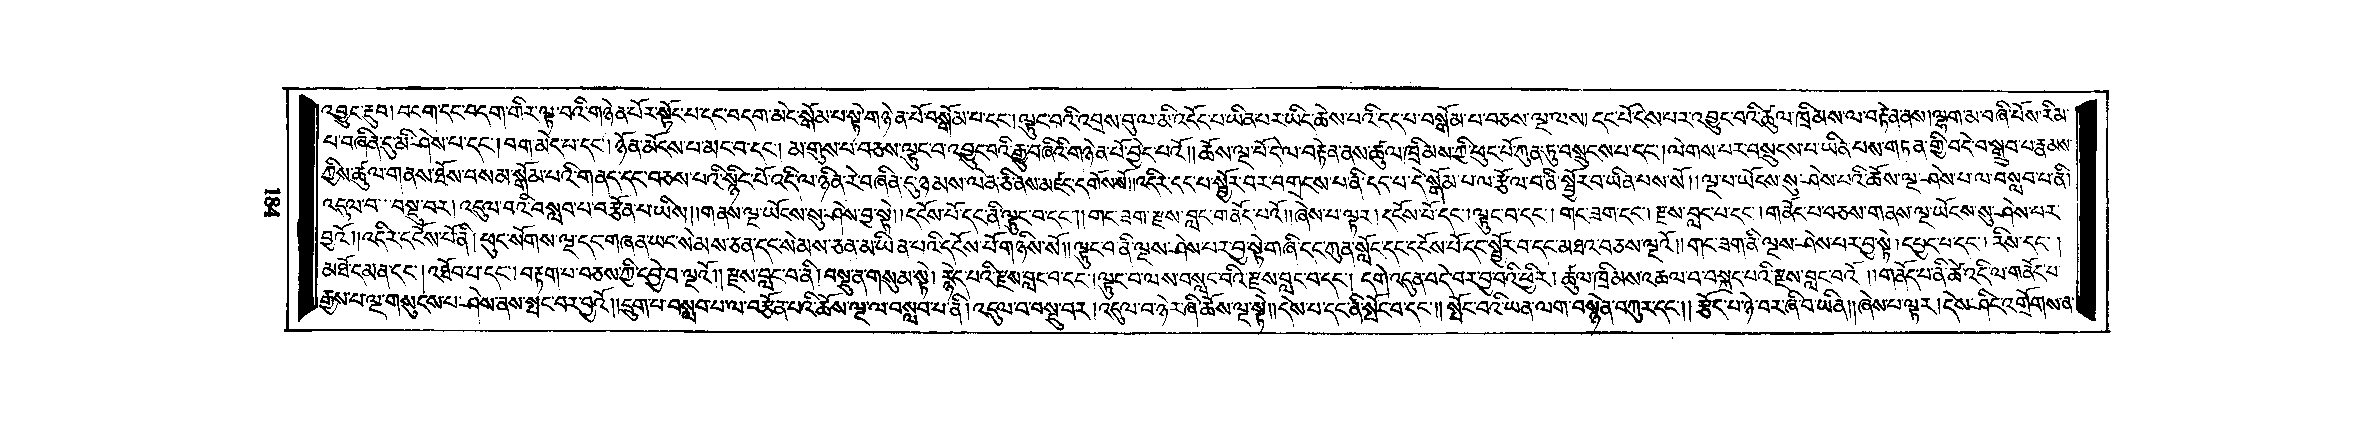འབྱུང་རྡུབ། བདག་དང་བདག་གིར་ལྟ་བའི་གཉེན་པོར་སྟོང་པ་དང་བདག་མེད་སྒོམ་པ་སྟེ་གཉེན་པོ་བསྒོམ་པ་དང་། ལྟུང་བའི་འབྲས་བུ་ལ་མི་འདོད་པ་ཡིན་པར་ཡིད་ཆེས་པའི་དད་པ་བསྒོམ་པ་བཅས་ལྔ་ལས། དང་པོ་ངེས་པར་འབྱུང་བའི་ཚུལ་ཁྲིམས་ལ་བརྟེན་ནས། ལྷག་མ་བཞི་པོས་རིམ་
པ་བཞིན་དུ་མི་ཤེས་པ་དང་། བག་མེད་པ་དང་། ཉོན་མོངས་པ་མང་བ་དང་། མ་གུས་པ་བཅས་ལྟུང་བ་འབྱུང་བའི་རྒྱུ་བཞིའི་གཉེན་པོ་བྱེད་པའོ། །ཆོས་ལྔ་པོ་དེ་ལ་བརྟེན་ནས་ཚུལ་ཁྲིམས་ཀྱི་ཕུང་པོ་ཀུན་ཏུ་བསྲུངས་པ་དང་། ལེགས་པར་བསྲུངས་པ་ཡིན་པས་གཏན་གྱི་བདེ་བ་སྒྲུབ་པ་རྣམས་
ཀྱིས་ཚུལ་གནས་ཐོས་བསམ་སྒོམ་པའི་གནད་དང་བཅས་པའི་སྙིང་པོ་འདི་ལ་ཉིན་རེ་བཞིན་དུ་ཉམས་ལེན་ཅི་ནས་མཛད་དགོས་སོ། །འདིར་དད་པ་སྦྱོར་བར་བགྲངས་པ་ནི་དད་པ་དེ་སྒོམ་པ་ལ་རྩོལ་བ་ནི་སྦྱོར་བ་ཡིན་པས་སོ། །ལྔ་པ་ཡོངས་སུ་ཤེས་པའི་ཆོས་ལྔ་ཤེས་པ་ལ་བསླབ་པ་ནི།
འདུལ་བ་བསྡུ་བར། འདུལ་བའི་བསླབ་པ་བརྩོན་པ་ཡིས། །གནས་ལྔ་ཡོངས་སུ་ཤེས་བྱ་སྟེ། །དངོས་པོ་དང་ནི་ལྟུང་བ་དང་། །གང་ཟག་རྫས་བླང་གནོད་པའོ། །ཞེས་པ་ལྟར། དངོས་པོ་དང་། ལྟུང་བ་དང་། གང་ཟག་དང་། རྫས་བླང་པ་དང་། གནོད་པ་བཅས་གནས་ལྔ་ཡོངས་སུ་ཤེས་པར་
བྱའོ། །འདིར་དངོས་པོ་ནི། ཕུང་སོགས་ལྔ་དང་གཞན་ཡང་སེམས་ཅན་དང་སེམས་ཅན་མ་ཡིན་པའི་དངོས་པོ་གཉིས་སོ། །ལྟུང་བ་ནི་ལྔས་ཤེས་པར་བྱ་སྟེ་གཞི་དང་ཀུན་སློང་དང་དངོས་པོ་དང་སྦྱོར་བ་དང་མཐའ་བཅས་ལྔའོ། །གང་ཟག་ནི་ལྔས་ཤེས་པར་བྱ་སྟེ། དཔྱད་པ་དང་། རིས་དང་།
མཐོ་དམན་དང་། འཐོབ་པ་དང་། བརྟག་པ་བཅས་ཀྱི་དབྱེ་བ་ལྔའོ། །རྫས་བླང་བ་ནི། བསྡུ་ན་གསུམ་སྟེ། རྙེད་པའི་རྫས་བླང་བ་དང་། ལྟུང་བ་ལས་བསླང་བའི་རྫས་བླང་བ་དང་། དགེ་འདུན་བདེ་བར་བྱ་བའི་ཕྱིར། ཚུལ་ཁྲིམས་འཆལ་བ་བསྐྲད་པའི་རྫས་བླང་བའོ། །གནོད་པ་ནི་ཚེ་འདི་ལ་གནོད་པ་
རྒྱས་པ་ལྔ་གསུངས་པ་ཤེས་ནས་སྤང་བར་བྱའོ། །དྲུག་པ་བསླབ་པ་ལ་བརྩོན་པའི་ཆོས་ལྔ་ལ་བསླབ་པ་ནི། འདུལ་བ་བསྡུ་བར། འདུལ་བ་ཉེར་ཞི་ཆོས་ལྔ་སྟེ། །དེས་པ་དང་ནི་སྤོང་བ་དང་། །སྤོང་བའི་ཡན་ལག་བསྙེན་བཀུར་དང་། །རྩོད་པ་ཉེ་བར་ཞི་བ་ཡིན། །ཞེས་པ་ལྟར། དེས་ཤིང་འགྲོགས་ན་